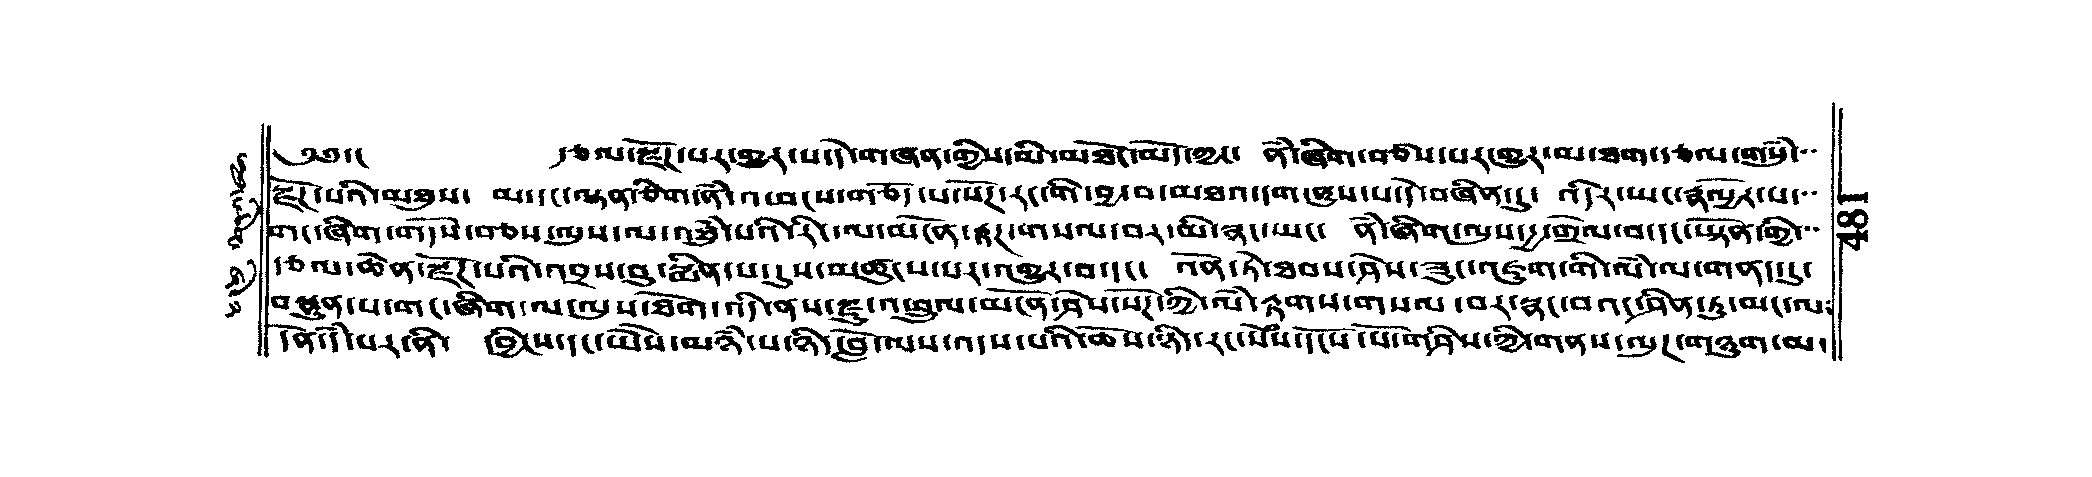རྩལ་རྫོགས་པར་གྱུར་པ་དེ་གཞན་གྱིས་མི་མཐོང་མོད་ཀྱང་། ནམ་ཞིག་བཙས་པར་གྱུར་མ་ཐག་རྩལ་གསུམ་
རྫོགས་པའི་མཐུས། མ་དང་ལྷན་ཅིག་གནམ་འཕང་གཅོད་པ་སོགས་རང་གི་བྱ་བ་མཐའ་དག་ནུས་པ་དེ་བཞིན་དུ། འདིར་ཡང་རྣལ་འབྱོར་པ་
གང་ཞིག་གདོས་བཅས་ལུས་ལ་འཐུམ་པའི་རིང་ལ་མངོན་རྟགས་གསལ་བར་མི་སྣང་ཡང་། ནམ་ཞིག་ལུས་རྒྱ་གྲོལ་བ་དང་ཡོན་ཏན་གྱི་
རྩལ་ཆེན་རྫོགས་པའི་འབྲས་བུ་སྨིན་པ་དུས་མཚུངས་པར་འགྱུར་བ་དང་།འོན་ཏེ་ཐབས་ཤེས་ཟུང་འཇུག་གི་ལམ་ལ་གནད་དུ་
བསྣུན་པ་གང་ཞིག་ལ་ལུས་ཐོག་འདི་ནས་རྫུ་འཕྲུལ་མངོན་ཤེས་སོགས་ཀྱི་ལམ་རྟགས་གསལ་བར་སྣང་བའང་ཤིན་ཏུ་མང་ལ་
དོན་དམ་པར་ནི། དབྱིངས་དང་ཡེ་ཤེས་མཉམ་པ་ཉིད་བློ་ལས་འདས་པའི་ཆོས་ཉིད་རང་སེམས་དངོས་པོ་གཤིས་ཀྱི་གནས་ལུགས་གཉུག་མ་